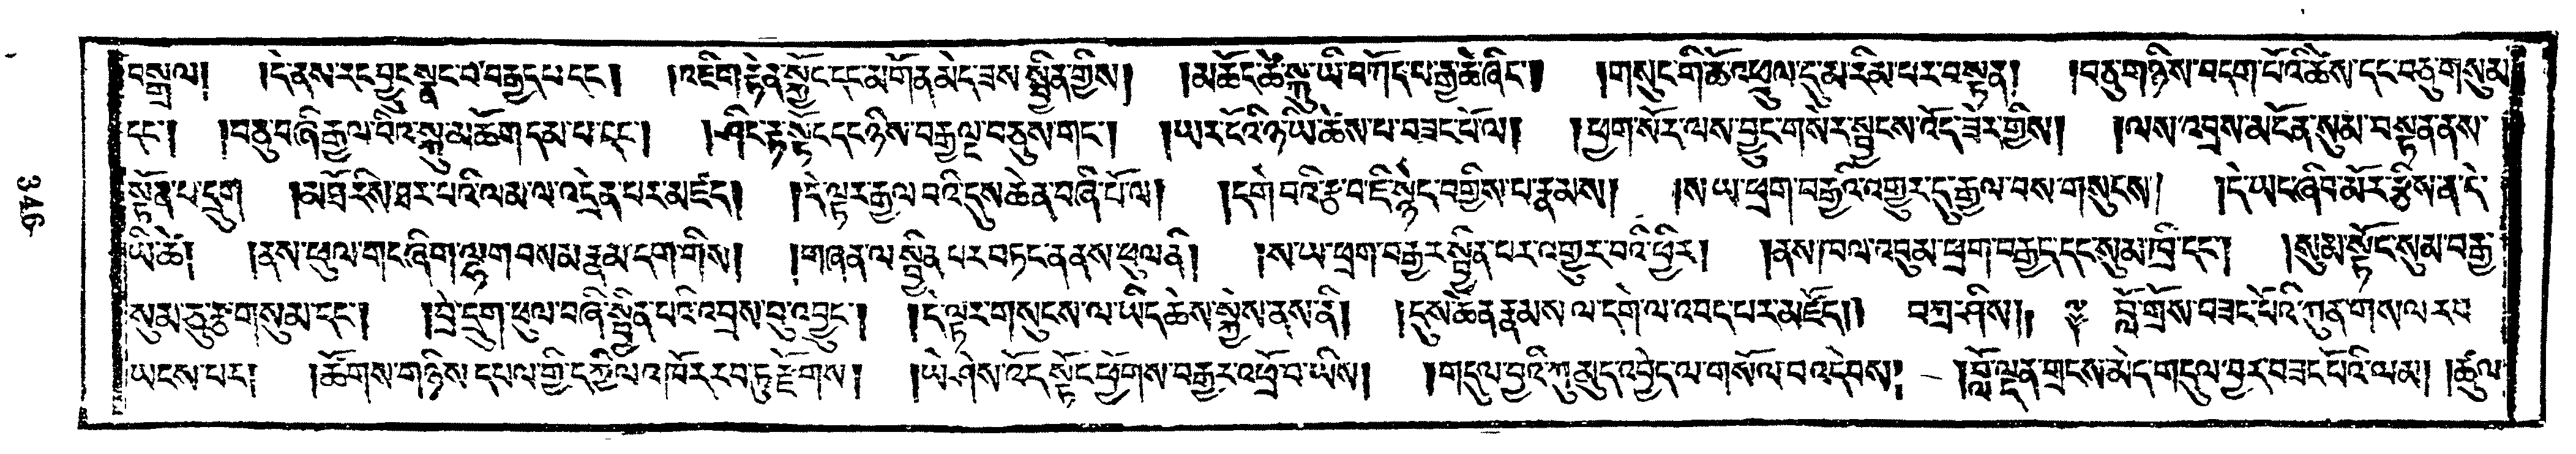བསྒྲལ། །དེ་ནས་རང་བྱུང་སྣང་བ་བརྒྱད་པ་དང་། །འཇིག་རྟེན་སྐྱོང་དང་མགོན་མེད་ཟས་སྦྱིན་གྱིས། །མཆོད་ཚེ་སྐུ་ཡི་བཀོད་པ་རྒྱ་ཆེ་ཞིང་། །གསུང་གི་ཆོ་འཕྲུལ་དུ་མ་རིམ་པར་བསྟན། །བཅུ་གཉིས་བདག་པོའི་ཚེས་དང་བཅུ་གསུམ་
དང་། །བཅུ་བཞི་རྒྱལ་བའི་སྐུ་མཆོག་དམ་པ་དང་། །ཤིང་རྟ་སྟོང་དང་ཉིས་བརྒྱ་ལྔ་བཅུས་གང་། །ཡར་ངོའི་ཉ་ཡི་ཚེས་པ་བཟང་པོ་ལ། །ཕྱག་སོར་ལས་བྱུང་གསེར་སྦྱངས་འོད་ཟེར་གྱིས། །ལས་འབྲས་མངོན་སུམ་བསྟན་ནས་
སྟོན་པ་དྲུག །མཐོ་རིས་ཐར་པའི་ལམ་ལ་འདྲེན་པར་མཛད། །དེ་ལྟར་རྒྱལ་བའི་དུས་ཆེན་བཞི་པོ་ལ། །དགེ་བའི་རྩ་བ་ཇི་སྙེད་བགྱིས་པ་རྣམས། །ས་ཡ་ཕྲག་བརྒྱའི་འགྱུར་དུ་རྒྱལ་བས་གསུངས། །དེ་ཡང་ཞིབ་མོར་རྩིས་ན་དེ་
ཡི་ཚེ། །ནས་ཕུལ་གང་ཞིག་ལྷག་བསམ་རྣམ་དག་གིས། །གཞན་ལ་སྦྱིན་པར་བཏང་ན་ནས་ཕུལ་ནི། །ས་ཡ་ཕྲག་བརྒྱ་ར་སྦྱིན་པར་འགྱུར་བའི་ཕྱིར། །ནས་ཁལ་འབུམ་ཕྲག་བརྒྱད་དང་སུམ་ཁྲི་དང་། །སུམ་སྟོང་སུམ་བརྒྱ་
སུམ་ཅུ་རྩ་གསུམ་དང་། །བྲེ་དྲུག་ཕུལ་བཞི་སྦྱིན་པའི་འབྲས་བུ་འབྱུང་། །དེ་ལྟར་གསུངས་ལ་ཡིད་ཆེས་སྐྱེས་ནས་ནི། །དུས་ཆེན་རྣམས་ལ་དགེ་ལ་འབད་པར་མཛོད།། བཀྲ་ཤིས།། ༈ བློ་གྲོས་བཟང་པོའི་ཀུན་གསལ་རབ་
ཡངས་པར། །ཚོགས་གཉིས་དཔལ་གྱི་དཀྱིལ་འཁོར་རབ་ཏུ་རྫོགས། །ཡེ་ཤེས་འོད་སྟོང་ཕྱོགས་བརྒྱར་འཕྲོ་བ་ཡིས། །གདུལ་བྱའི་ཀུ་མུད་འབྱེད་ལ་གསོལ་བ་འདེབས། །བློ་ལྡན་གྲང་མེད་གདུལ་བྱར་བཟང་པོའི་ལམ། །ཚུལ་